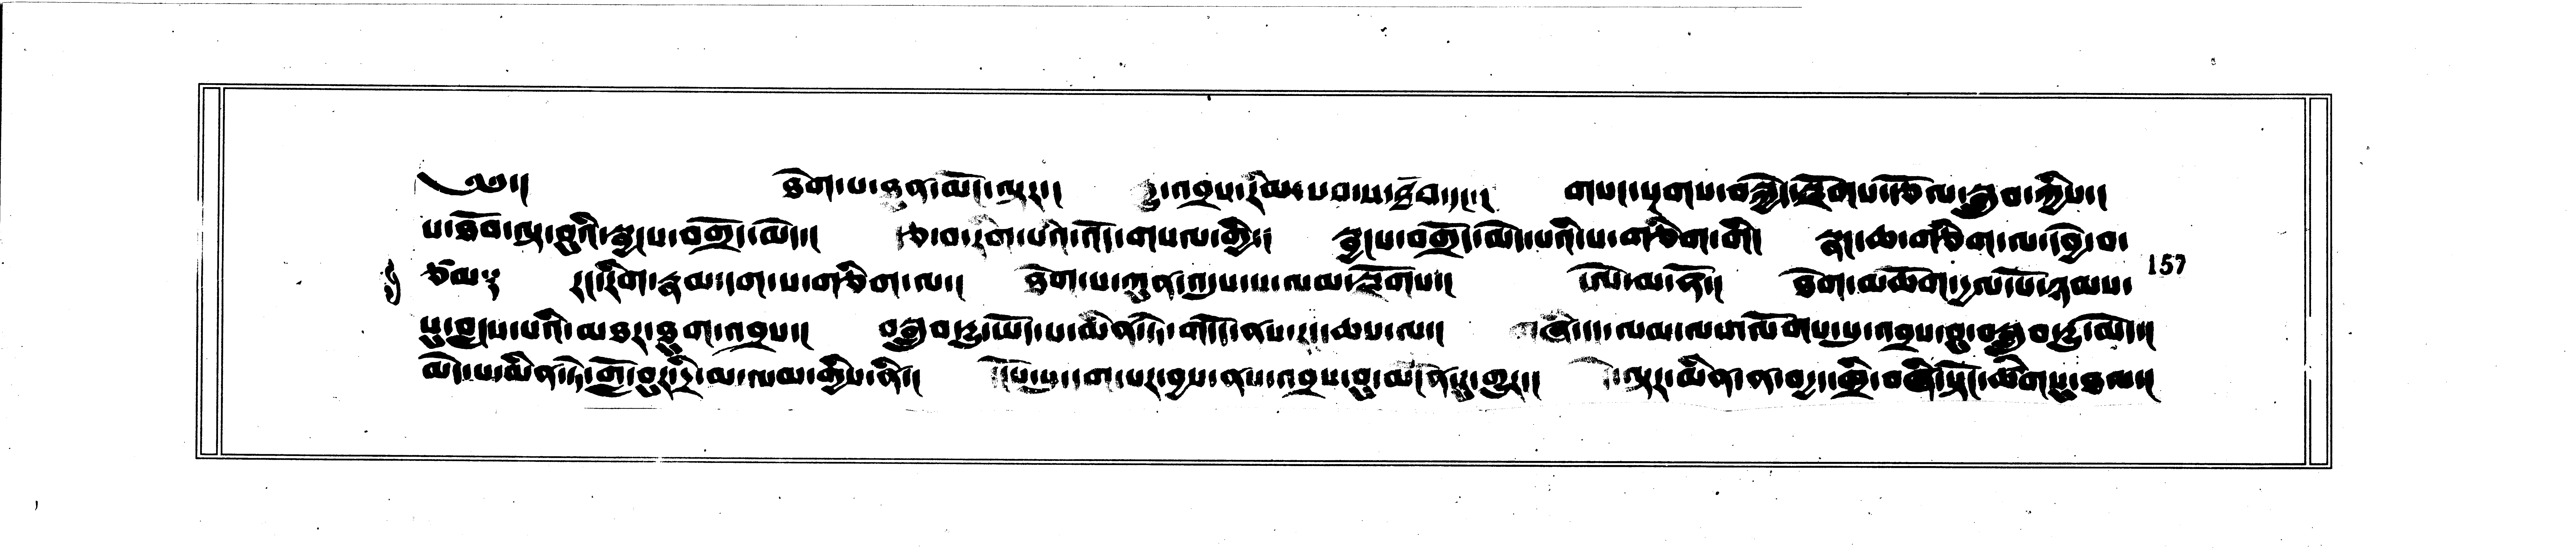ཐེག་པ་ཐུན་མོང་ལྟར། །རྒྱུ་འབྲས་རིམ་པ་ས་ཐོབ་དང་། །གསང་སྔགས་བསྐྱེད་རྫོགས་རྩོལ་སྒྲུབ་ཀྱིས། 
།ས་ཐོབ་ལྟ་བུའི་སྦྱངས་བགྲོད་མེད། །རྩ་བ་རིག་པའི་འོད་གསལ་གྱི། །སྦྱངས་བགྲོད་མེད་པའི་ས་གཅིག་གི །སྣང་ཆ་གཅིག་ལ་དབྱེ་བ་
ཙམ། །རང་རིག་རྣམ་དག་ས་གཅིག་ལ། །ཐེག་པ་ཀུན་འདུས་ས་ལམ་རྫོགས། །ཨེ་མ་ཧོ། ཐེག་མཆོག་རྒྱལ་པོ་ཉམས་
སུ་བླང་བའི་མཐར་ཐུག་འབྲས། །བསྒྲུབ་རྒྱུ་ཡོད་པ་མ་མིན་ཏེ་གདོད་ནས་རང་ཆས་ལ། །གཞི་དང་ལམ་ལས་ལོགས་སུ་འབྲས་བུ་བསྒྲུབ་རྒྱུ་མེད། 
།མེད་པ་མིན་ཏེ་གློ་བུར་དྲི་མ་ལམ་གྱིས་ནི། །དངོས་སུ་དག་པར་བྱས་ནས་འབྲས་བུ་མངོན་དུ་གྱུར། །དེ་ལྟར་མིན་ན་བརྒྱད་ཁྲི་བཞི་སྟོང་ཚིགས་སུ་ཐལ། །